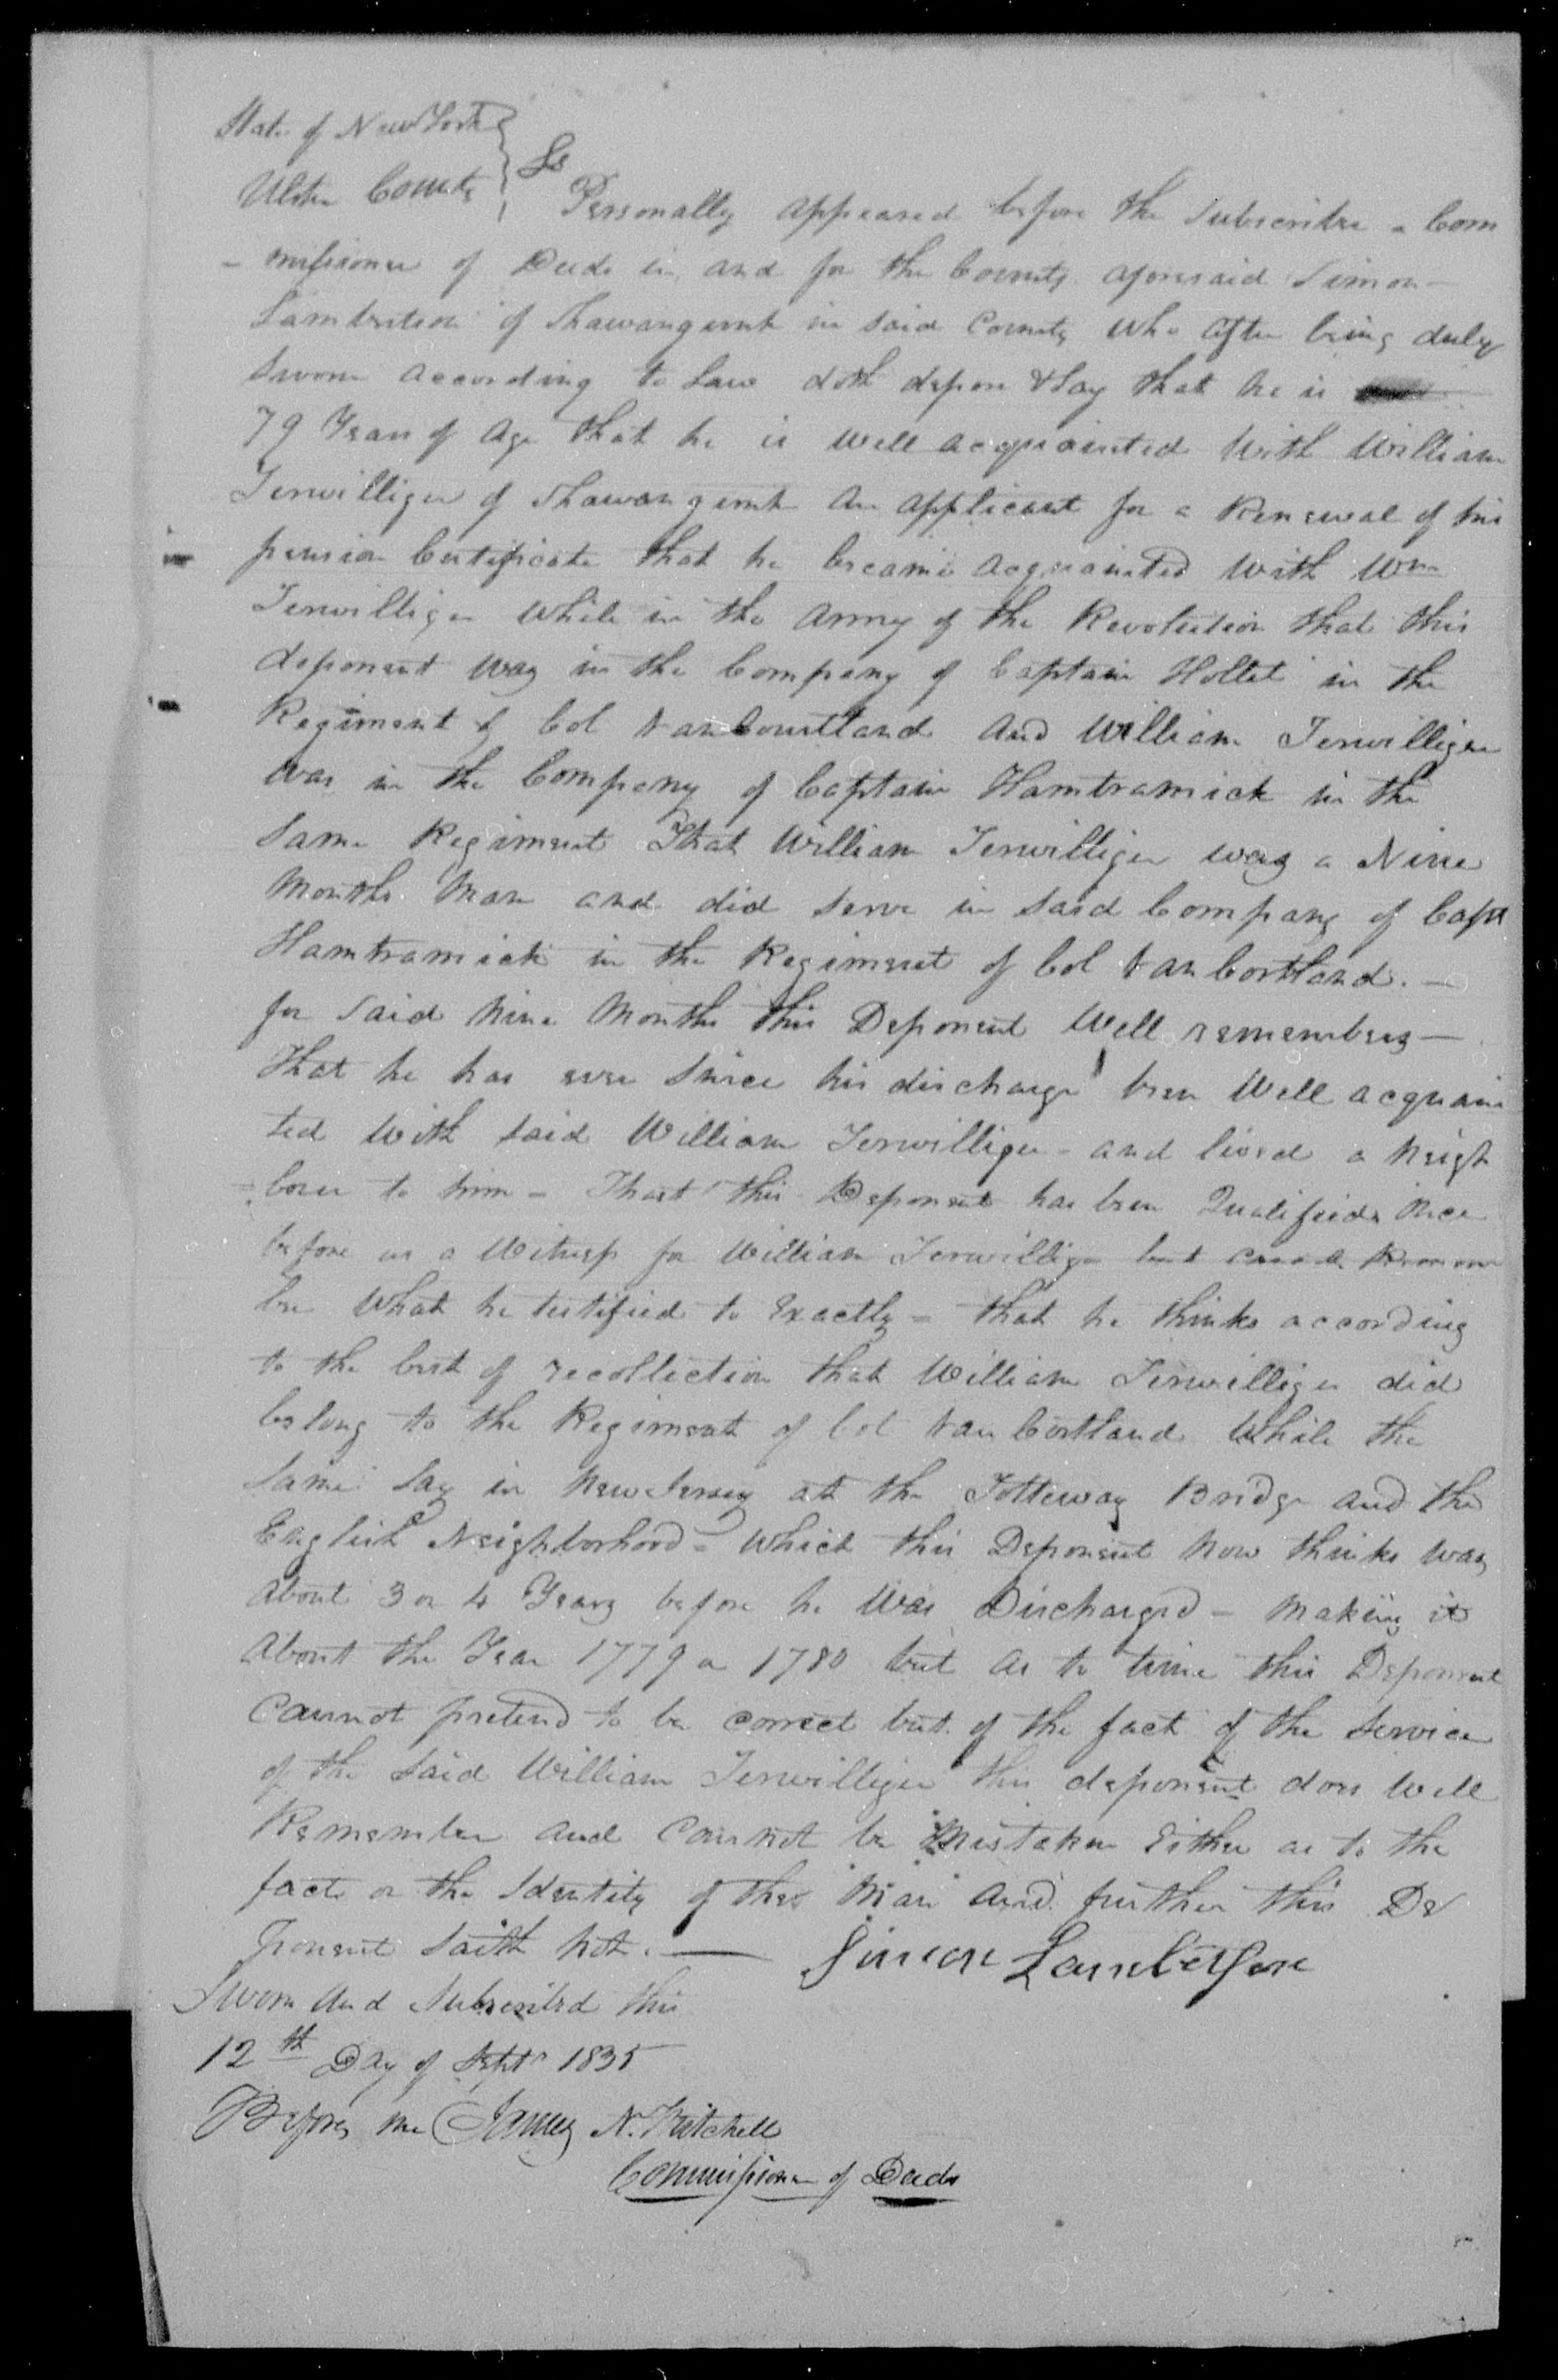State of New York
Ulster County ⎬
Personally appeared before the Subscriber - Commissioner of Deeds in and for the County aforesaid Simon
Lambition of Shawangunk in said County who after being duly
sworn according to Law doth depose & say that he is
79 years of age that he is well acquainted with William
Terwilliger of Shawangunk an applicant for renewal of this
pension Certificate that he became acquainted with Wm
Terwilliger while in the Army of the Revolution that this
deponent was in the Company of Captain Hollet in the
Regiment of Col Van Courtland and William Terwilliger
was in the Company of Captain Hamtramick in the Same
Regiment that William Terwilliger was a Nine
months man and did serve in said Company of Capt
Hamtramick in the Regiment of Col Van Cortland.
for said nine months this Deponent well remembers-
That he has ever since his discharge be well acquainted with said William Terwilliger and lived a neighbor to him. That this Deponent has been qualified
before as a witness for William Terwilliger
be that he cannot remember what he testified to Exactly- that he thinks according to
the best of recollection that William Terwilliger did
belong to the Regiment of Col Van Cortland while the same
say in New Jersey at the Tottaway Bridge and the
English Neighborhood which this Deponent now thinks was
about 3 or 4 years before he was discharged - making it
about the year 1779 a 1780 but as to time this Deponent
cannot pretend to be correct but of the fact of the service
of the said William Terwilliger this deponent does well
Remember and Cannot be mistaken Either as to the
fact of the Identity of this man and further this deponent saith not

Simon Lamberton

Sworn and Subscribed this
12th day of Sept 1835
Before me James N. Mitchell
Commissioner of Deeds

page: 50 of 64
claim: survivor's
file: S. 42,464, for William Terwilliger, New York